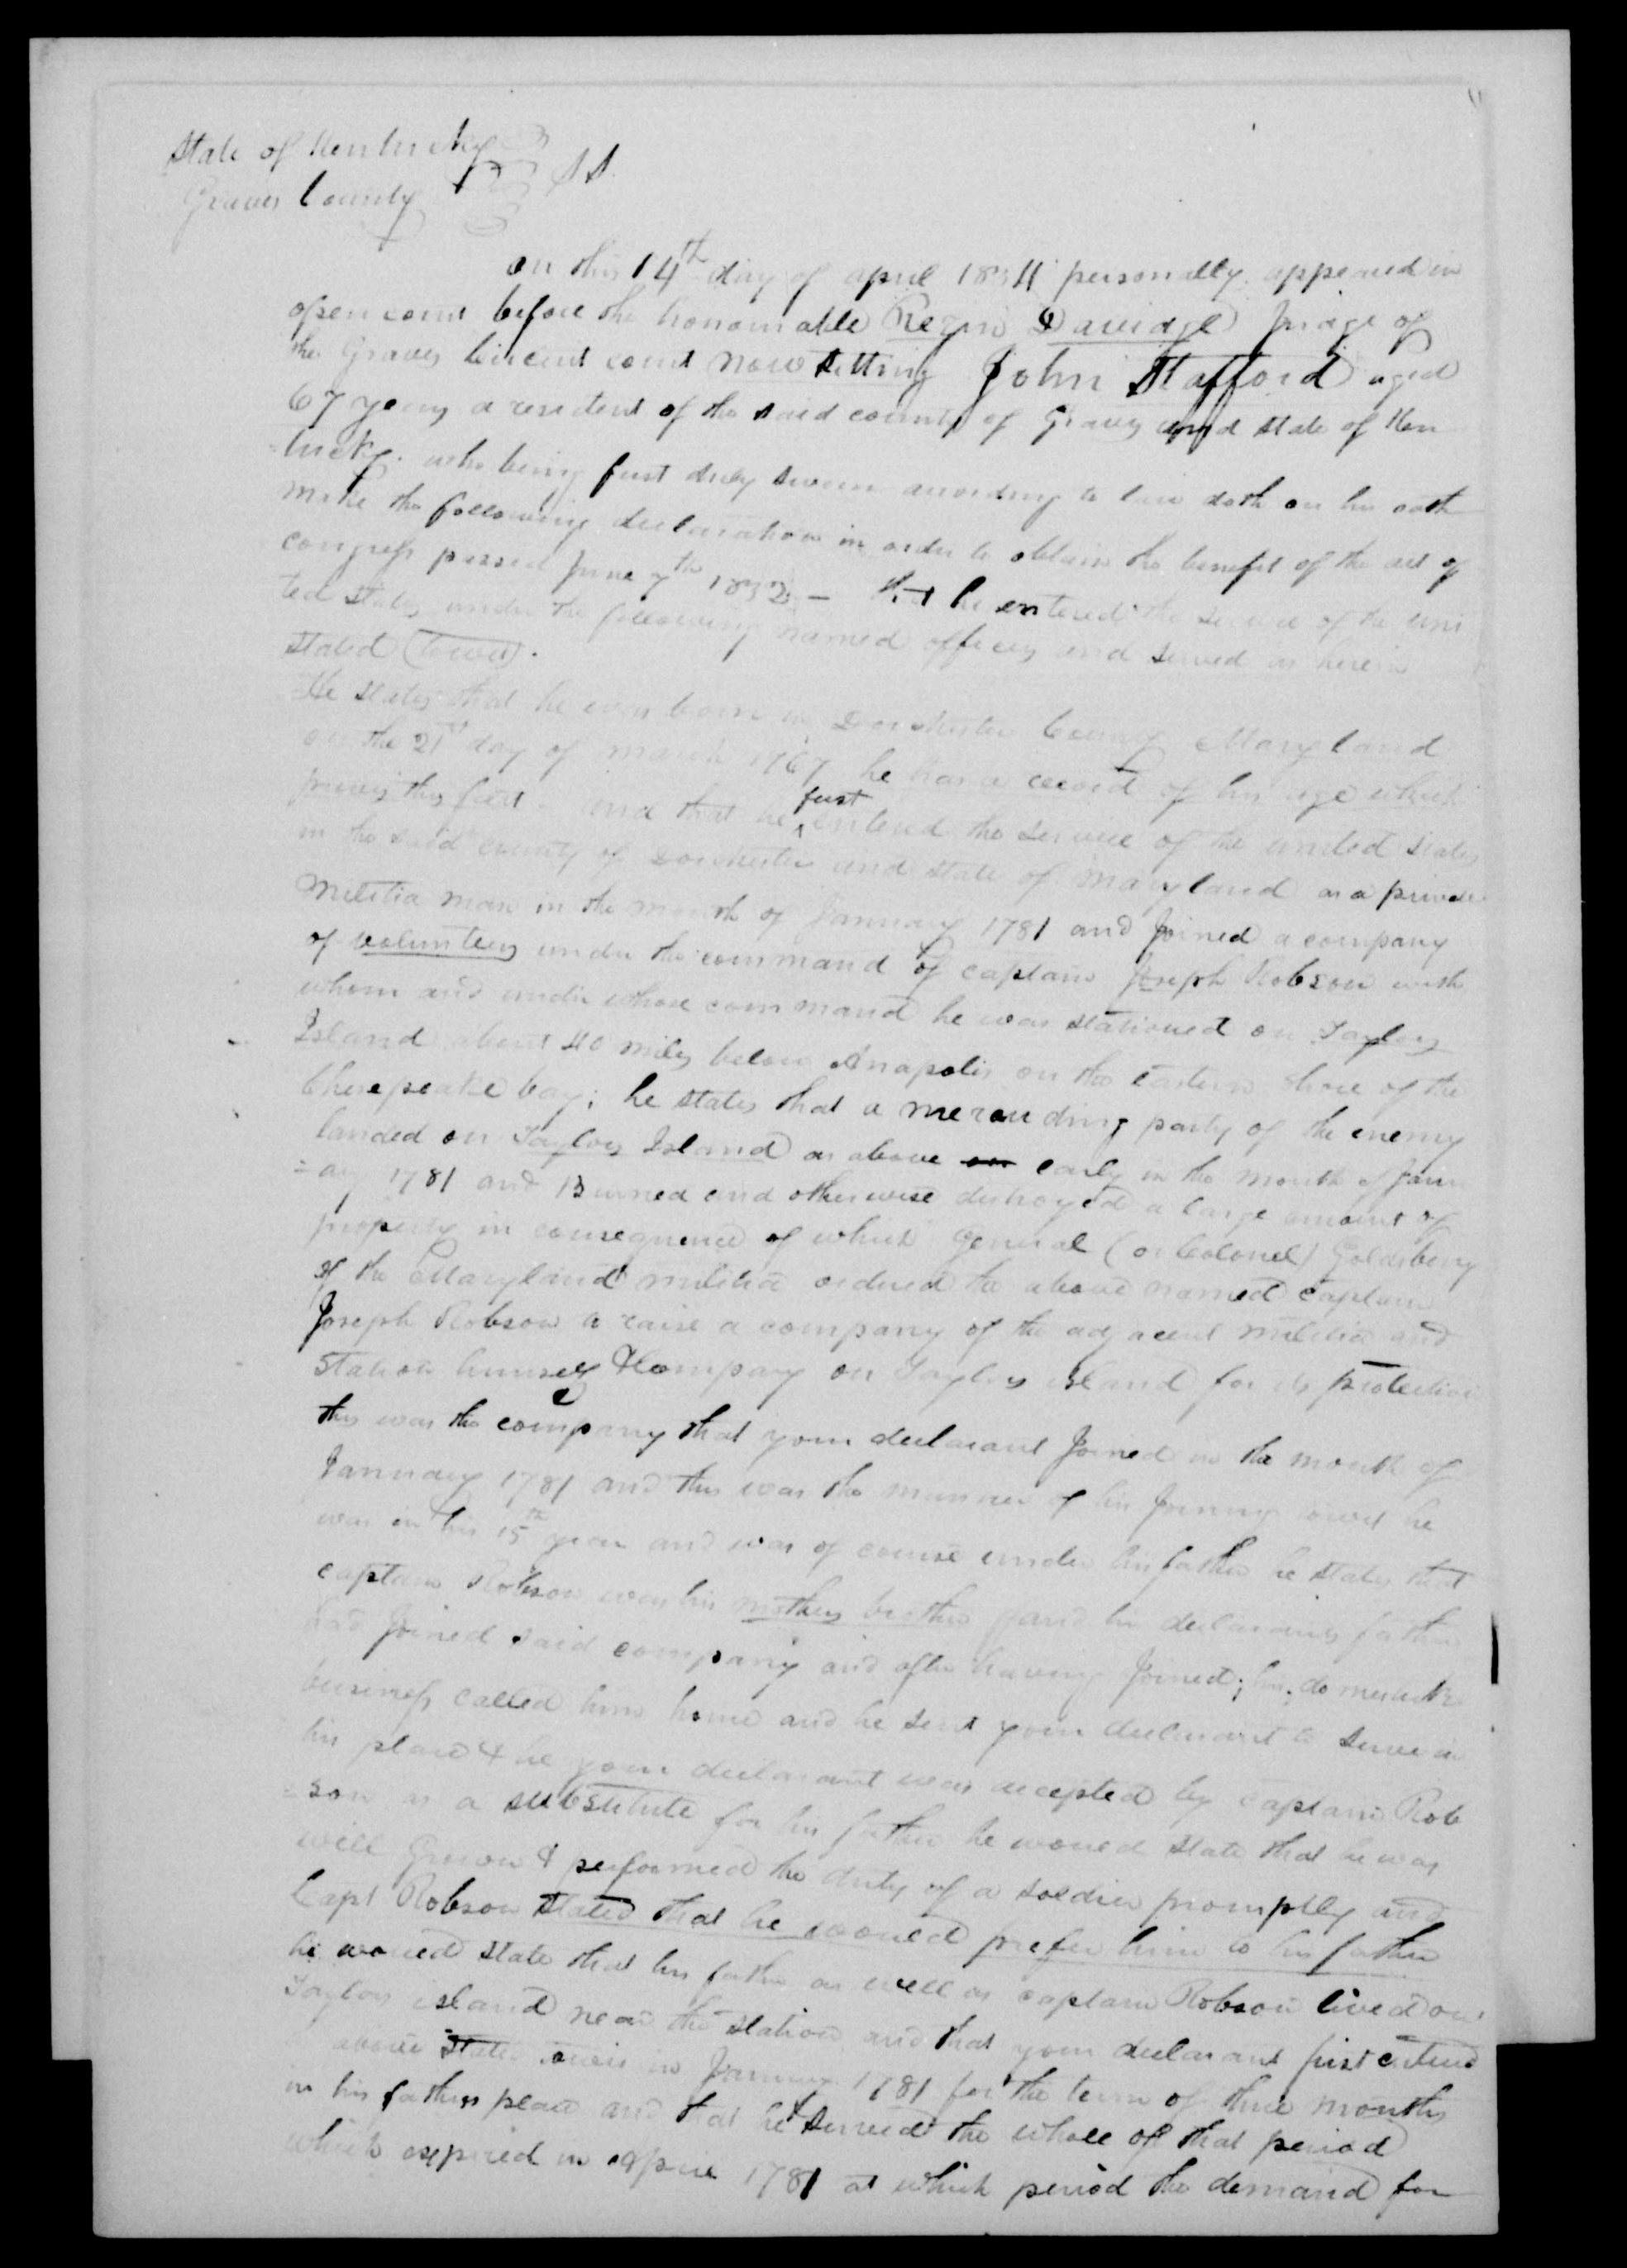State of Kentucky}
Graves County     } Seal

On this 14th day of April 1834 personally appeared in open court before the honourable Rezin Davidge [word underlined] Judge of the Graves Circuit court and now sitting John Stafford aged 67 years a resident of the said county of Graves and state of Kentucky, who being first duly sworn according to law doth on his oath make the following declaration in order to obtain the benefit of the act of Congress passed June 7th 1832--that he entered the service of the United States under the following named officer, and served as he reinstated (cwd).
He states that he was born in Dorchester County Maryland on the 21st day of March 1767 he has a record of his age which proves this fact, and that he first entered the service of the United States, in the said county of Dorchester  and state of Maryland as a private Militia man in the month of January 1781 and joined a company of volunteers [word underlined], under the command of captain Joseph Robson with whom and under whose command he was stationed on Taylor's Island about 40 miles below Anapolis on the eastern shore of the Chesapeake Bay;  he states that a marauding party of the enemy landed on Taylor's Island [named underlined] as above early in the month of January 1781 and burned and otherwise destroyed a large amount of property in consequence of which General (or Colonel) Goldberry of the Maryland militia orders the above named Captain Joseph Robson to raise a company of the adjacent militia and station himself & company on Taylor's Island for its protection. This was the company your declarant joined in the month of January 1781 and this was the manner of his joining to wit he was in his 15th year and was of course under his father he states, that Captain Robson was his mothers brother [mothers brother underlined], and he declared, father had joined said company and after having joined; him do merleck [?] himself, called him home and he sent your declarant to serve in his place & he your declarant was accepted by captain Robson as a substitute for his father he would state that he wasweld grown & performed the duty of a soldier promptly and Capt Robson stated that he would prefer him to his father [statement underlined] he would state that his father as well as captain Robson lived on Taylor's island near the station, and that your declarant first entered [unreadable] above State to wit in January 1781 for the term of three months in his fathers placed that he served the whole of that period which expired in April 1781 at which period the demand for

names: John Stafford; Rezin Davidge; [BLANK] Robson; [BLANK] Robson; [BLANK] Robson; Joseph Robson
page: 5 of 61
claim: widow's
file: W. 11554, for John Stafford, Maryland